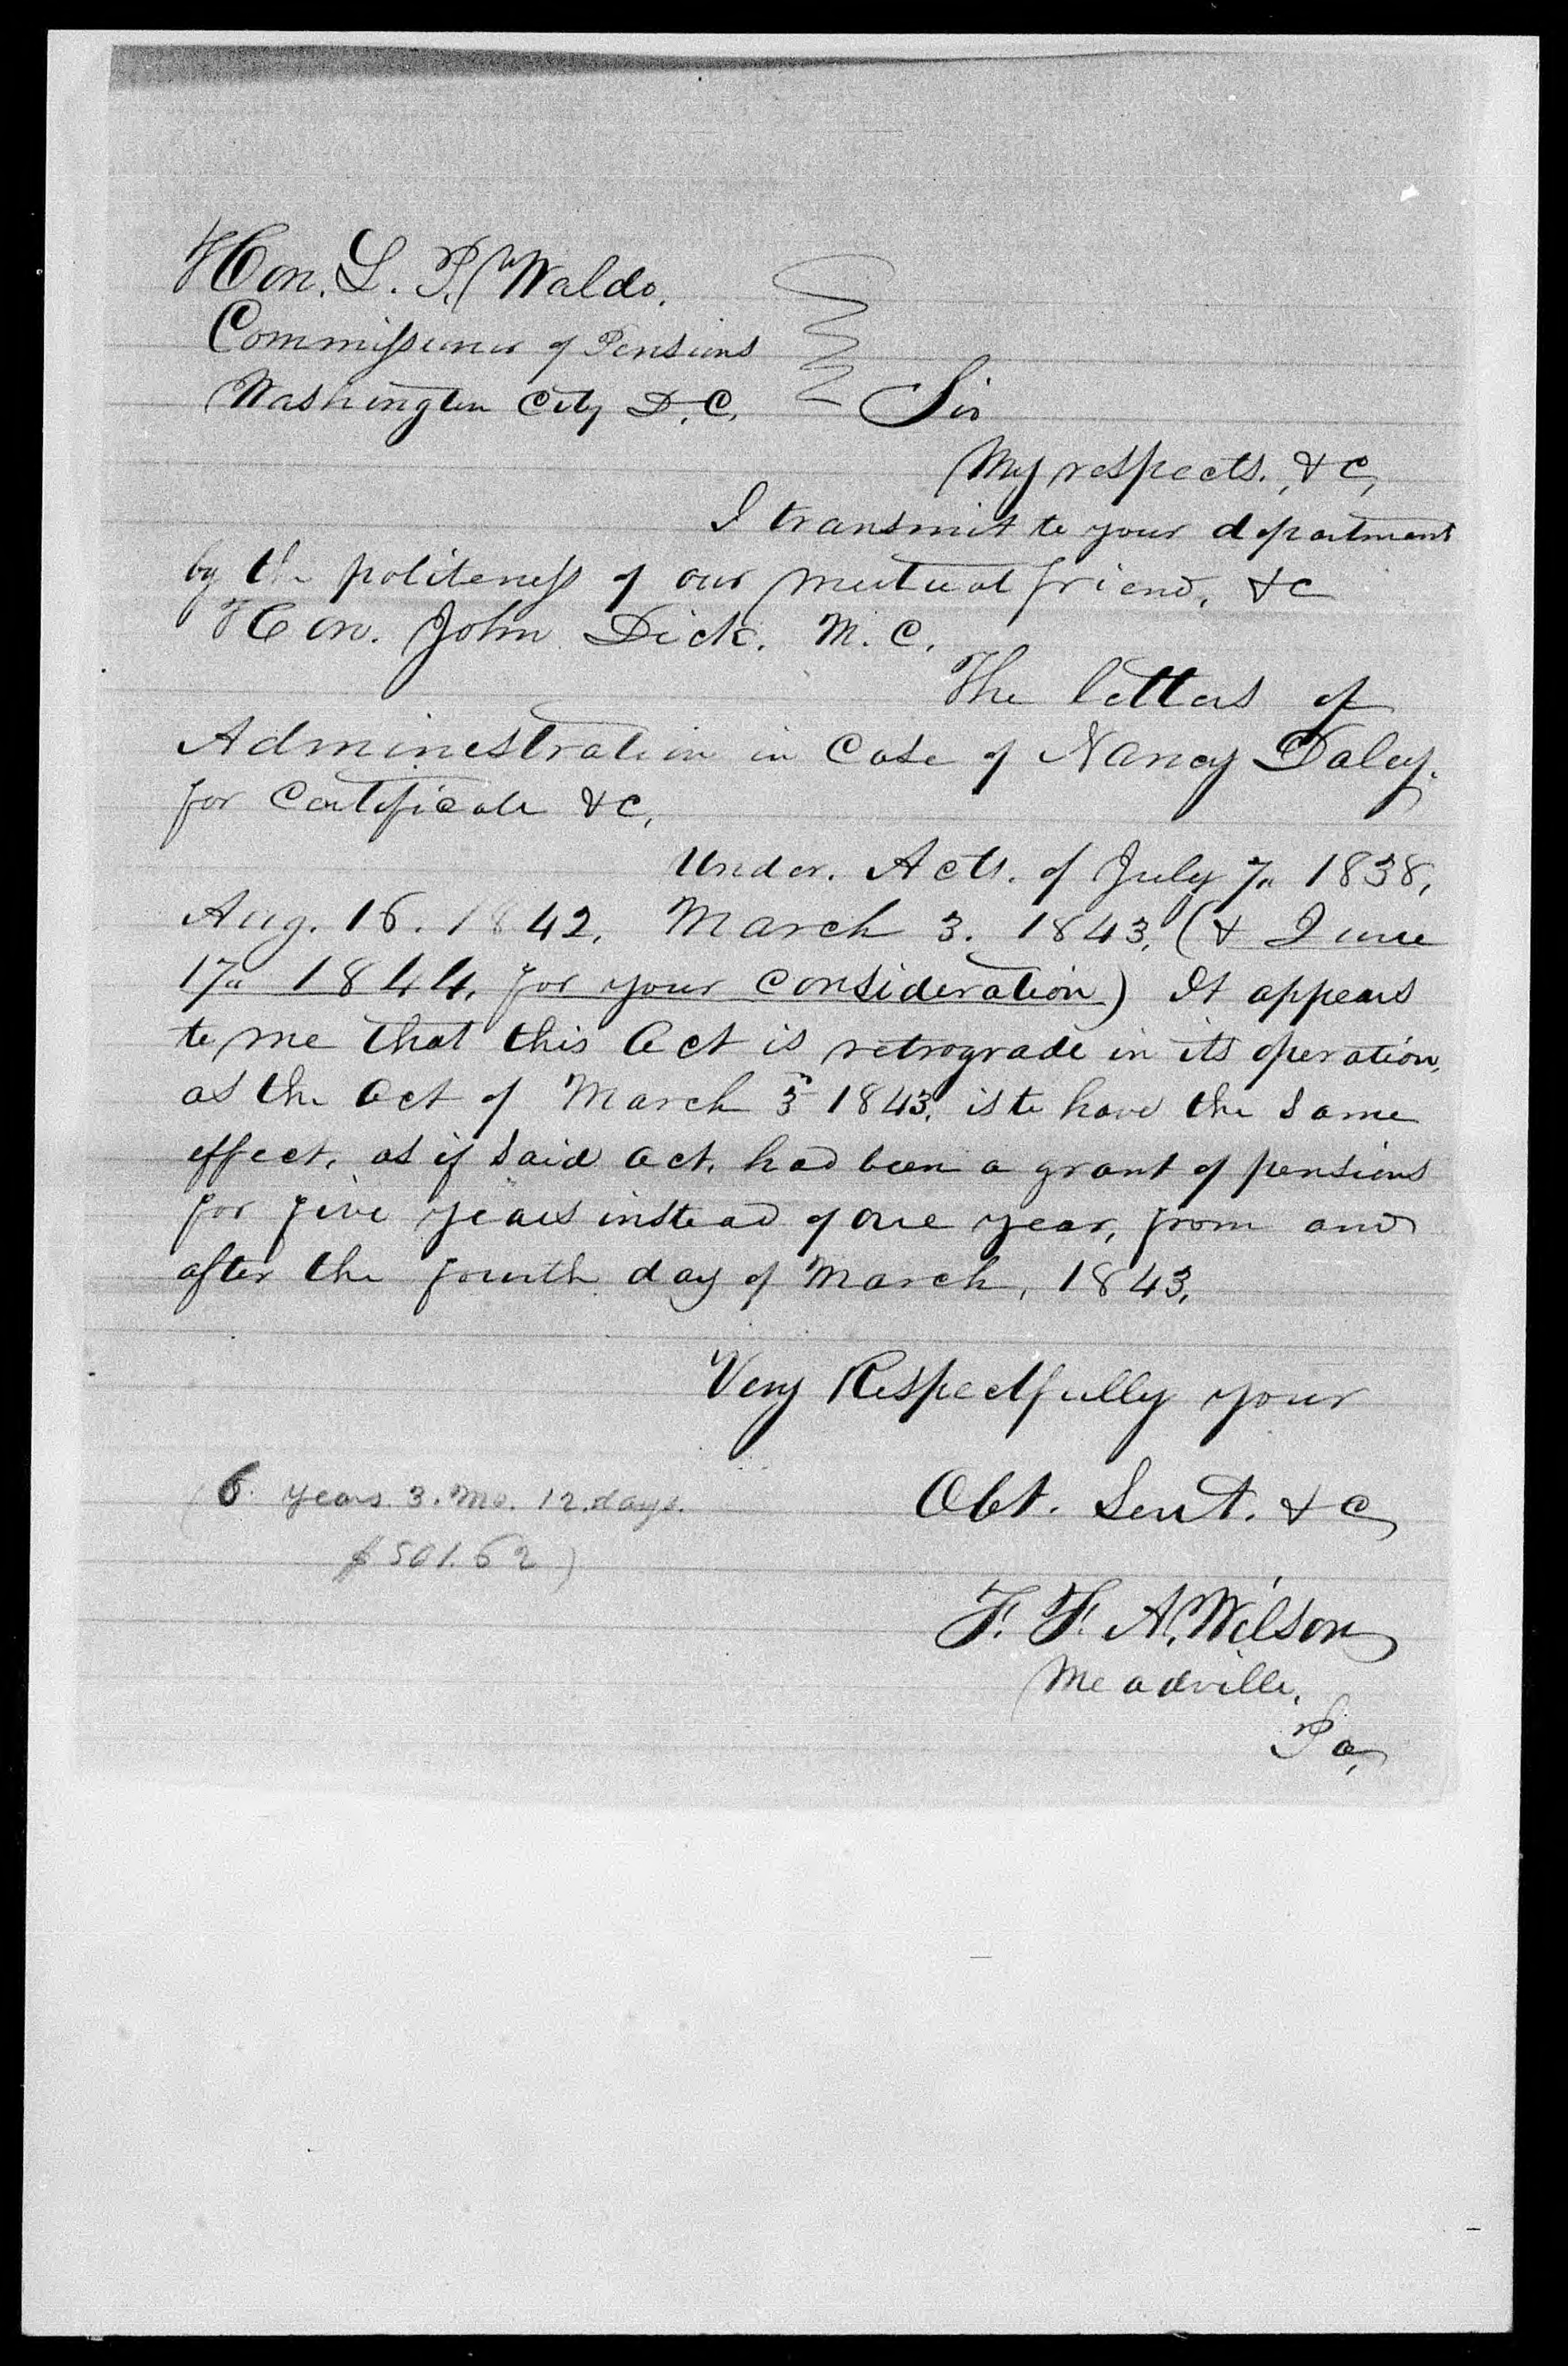Hon. L. P. Waldo.
Commissioner of Pensions
Washington City D.C. Sir
My respects, &c
I transmit to your department
by the politeness of our mutual friend, &c
Hon. John Dick M. C.
The letters of
Administration in case of Nancy Daley.
for certificate &c,
Under Act of July 7 1838,
Aug. 16. 1842. March 3. 1843 (& June
17 1844. for your consideration) It appears
to me that this act is retrograde in its operation,
as the act of March 3d 1843. is to have the same
effect as if said act had been a grant of pensions
for five years instead of one year, from and
after the fourth day of March. 1843
Very Respectfully your
Obt. Sev.t &c
F. F. A. Wilson
Meadville
Pa
(6 years 3. mo. 12. days.
$501.62)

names: F F A Wilson, John Dick, Nancy Daley, L P Waldo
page: 33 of 63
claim: widow's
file: W. 3228, John Daly, Penn.